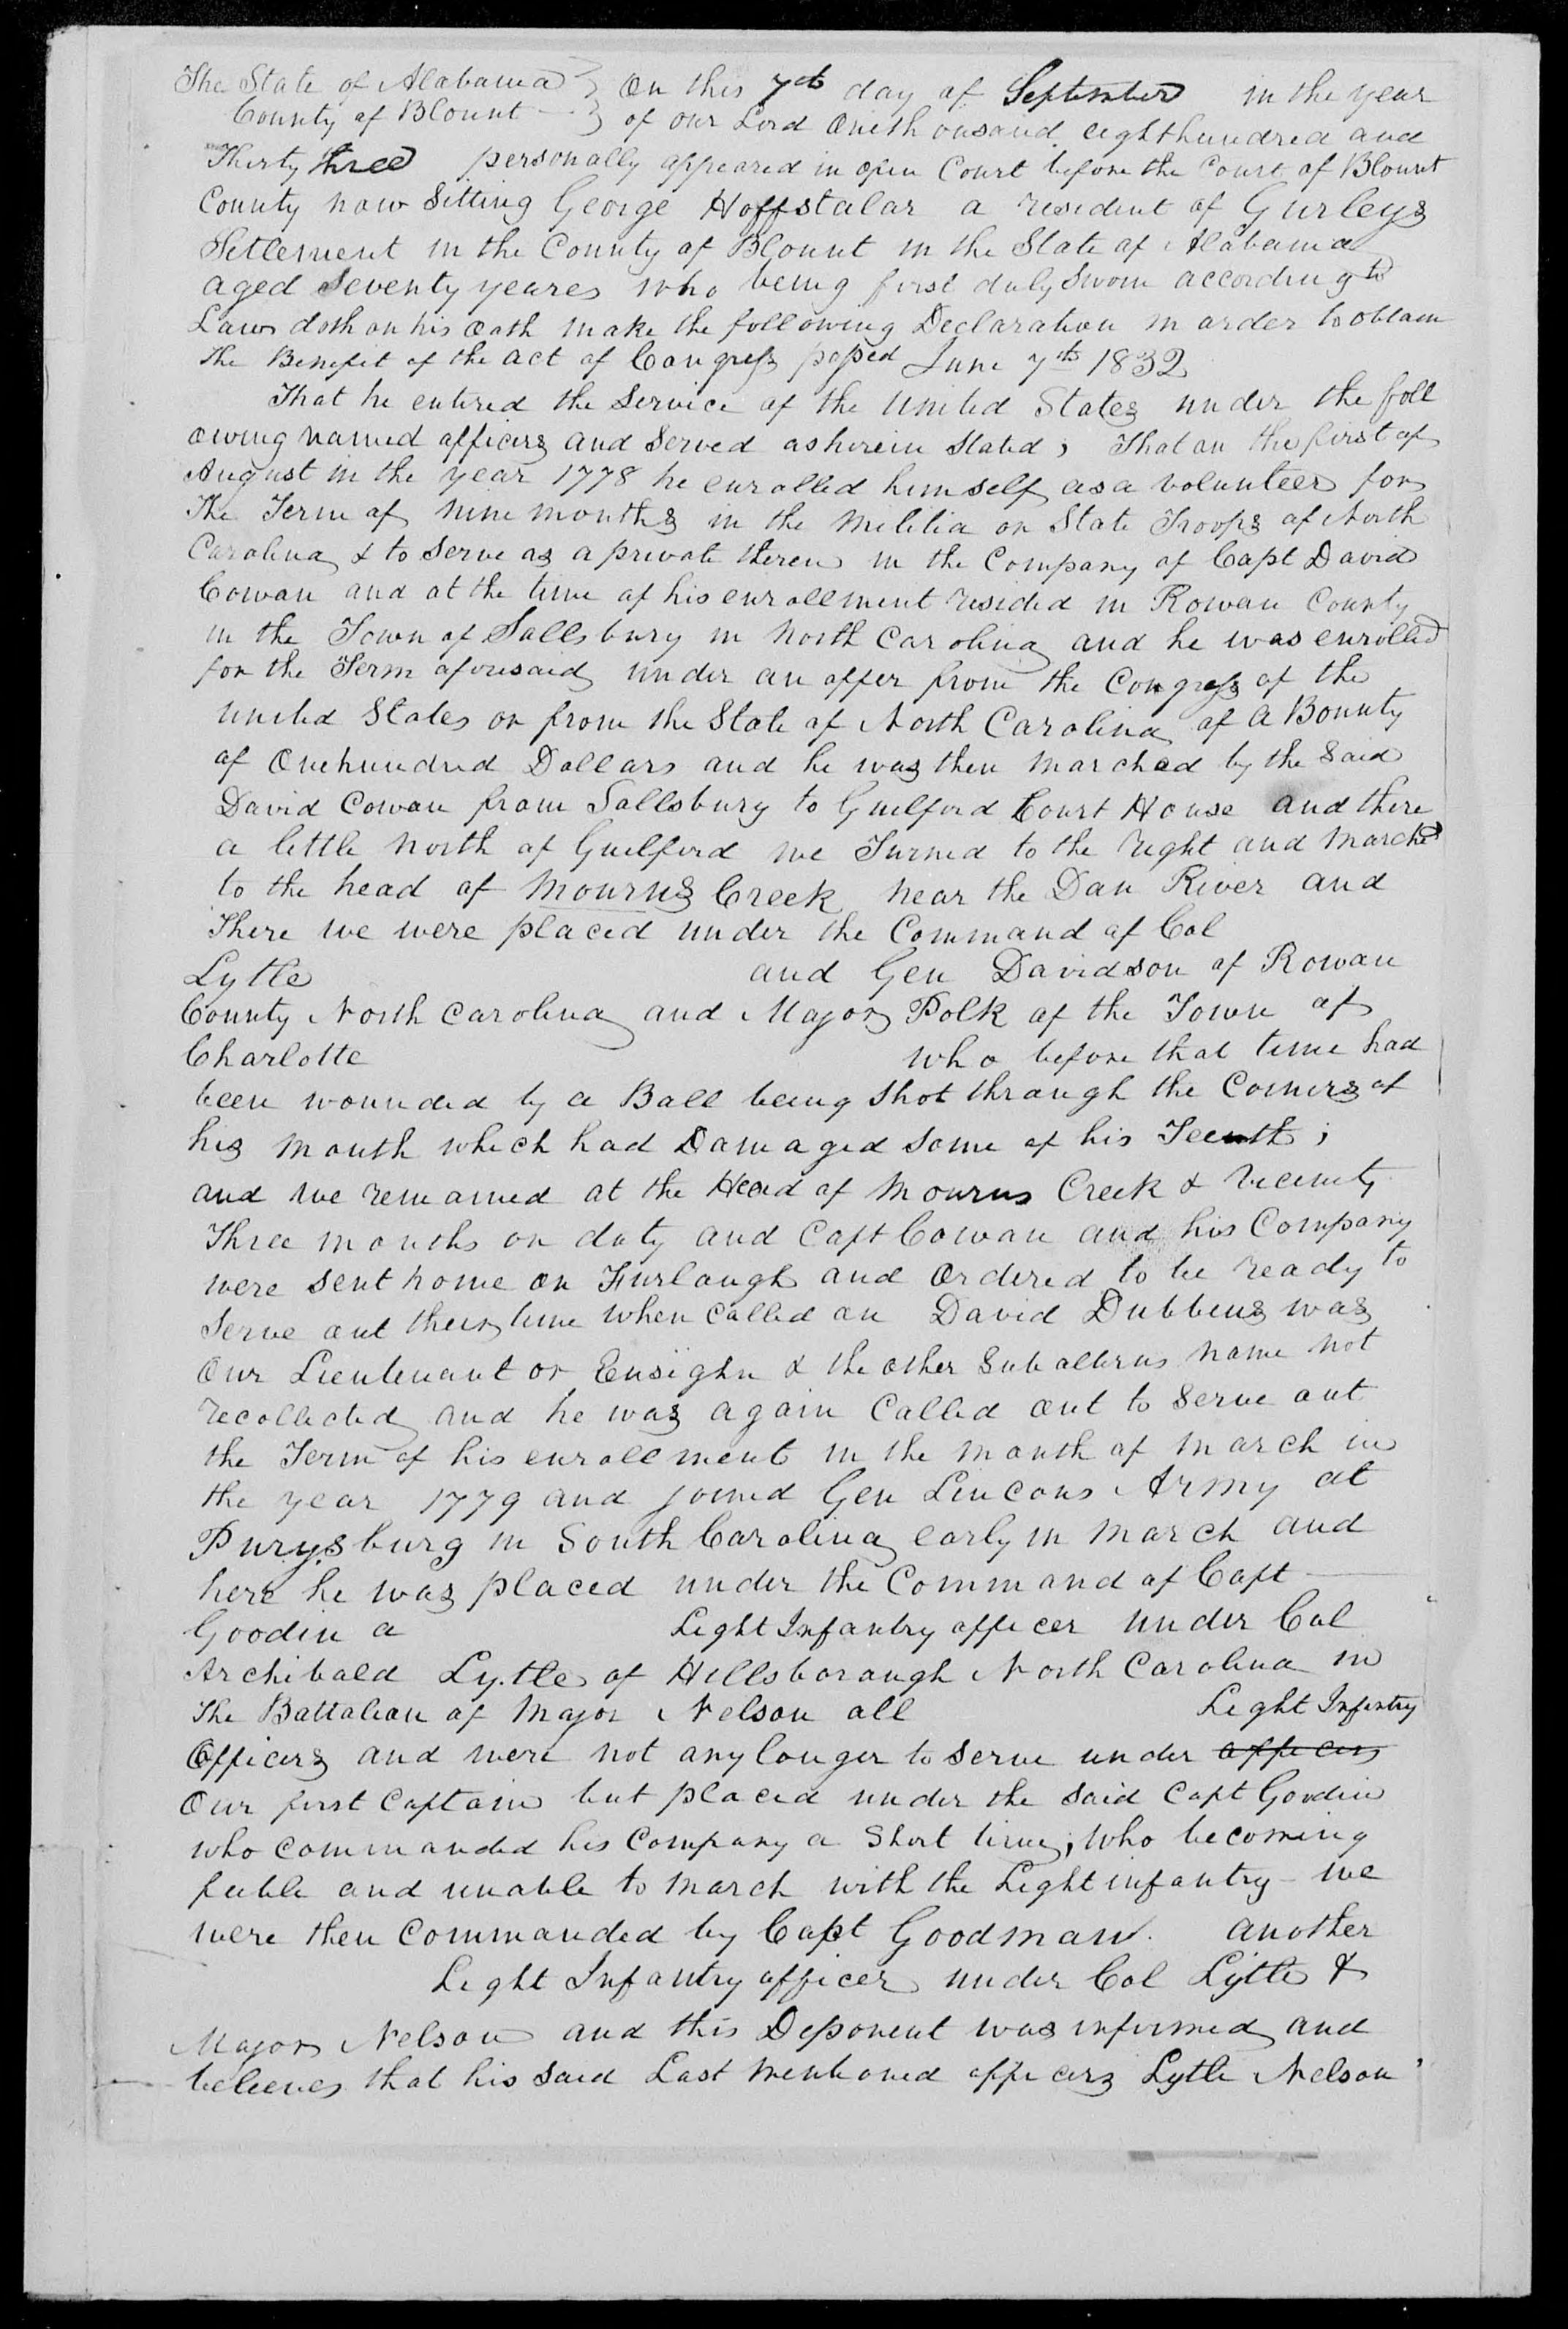The State of Alabama
County of Blount}
On this 7th day of September in the year of our Lord One thousand eight hundred and thirty three personally appeared in open Court before the Court of Blount County now Sitting George Hoffstalar a resident of Gurley’s Setlement in the County of Blount in the State of Alabama aged Seventy yeares who being first duly Sworn according to Law doth on his oath make the following Declaration in order to obtain the Benefit of the act of Congress passed June 7th 1832
That he entered the Service of the United States under the following named officers and Served as herein Stated, That on the first of August in the year 1778 he enrolled himself as a volunteer for The Term of nine months in the militia or State Troops of North Carolina & to Serve as a private therein in the Company of Capt David Cowan and at the time of his enrollment resided in Rowan County in the Town of Sallsbury in North Carolina and he was enrolled for the Term aforesaid under an offer from the Congress of the United States or from the State of North Carolina of a Bounty of One hundred Dollars and he was then marched by the Said David Cowan from Sallsbury to Guilford Court House and there a little north of Guilford we Turned to the right and marched to the head of Mourn’s Creek near the Dan River and There we were placed under the Command of Col Lytle and Gen Davidson of Rowan County North Carolina and Major Polk of the Town of Charlotte who before that time had been wounded by a Ball being shot through the Corners of his mouth which had Damaged some of his Teeth; and we remained at the Head of Mourns Creek & vicinity Three months on duty and Capt Cowan and his Company were sent home on Furlough and ordered to be ready to Serve out their time when called on David Dubbins was our Lieutenant or Ensign & the other Subalterns name not recollected and he was again Called out to Serve out the Term of his enrollment in the month of March in the year 1779 and joined Gen Lincons Army at Purysburg in South Carolina early in March and here he was placed under the Command of Capt Goodin a Light Infantry officer under Col Archibald Lytle of Hillsborough North Carolina in The Battalion of Major Nelson all Light Infantry Officers and were not any longer to Serve under Our first Captain but placed under the Said Capt Goodin who Commanded his Company a Short time; who becoming feeble and unable to march wit the Light infantry- we were then Commanded by Capt Goodman another Light Infantry officer under Col Lytle & Major Nelson and this Deponent was informed and recollects that his Said Last mentioned officers Lytle Nelson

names: Goodman, Nelson, Davidson, Goodin, Lytle, David Dubbins, Goodin, David Cowan, David Cowan, Polk, Nelson, Lytle, Cowan, George Hoffstalar, Lytle, Archibald Lytle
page: 8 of 18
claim: survivor's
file: S. 15176, George Hofstalar, N.C.